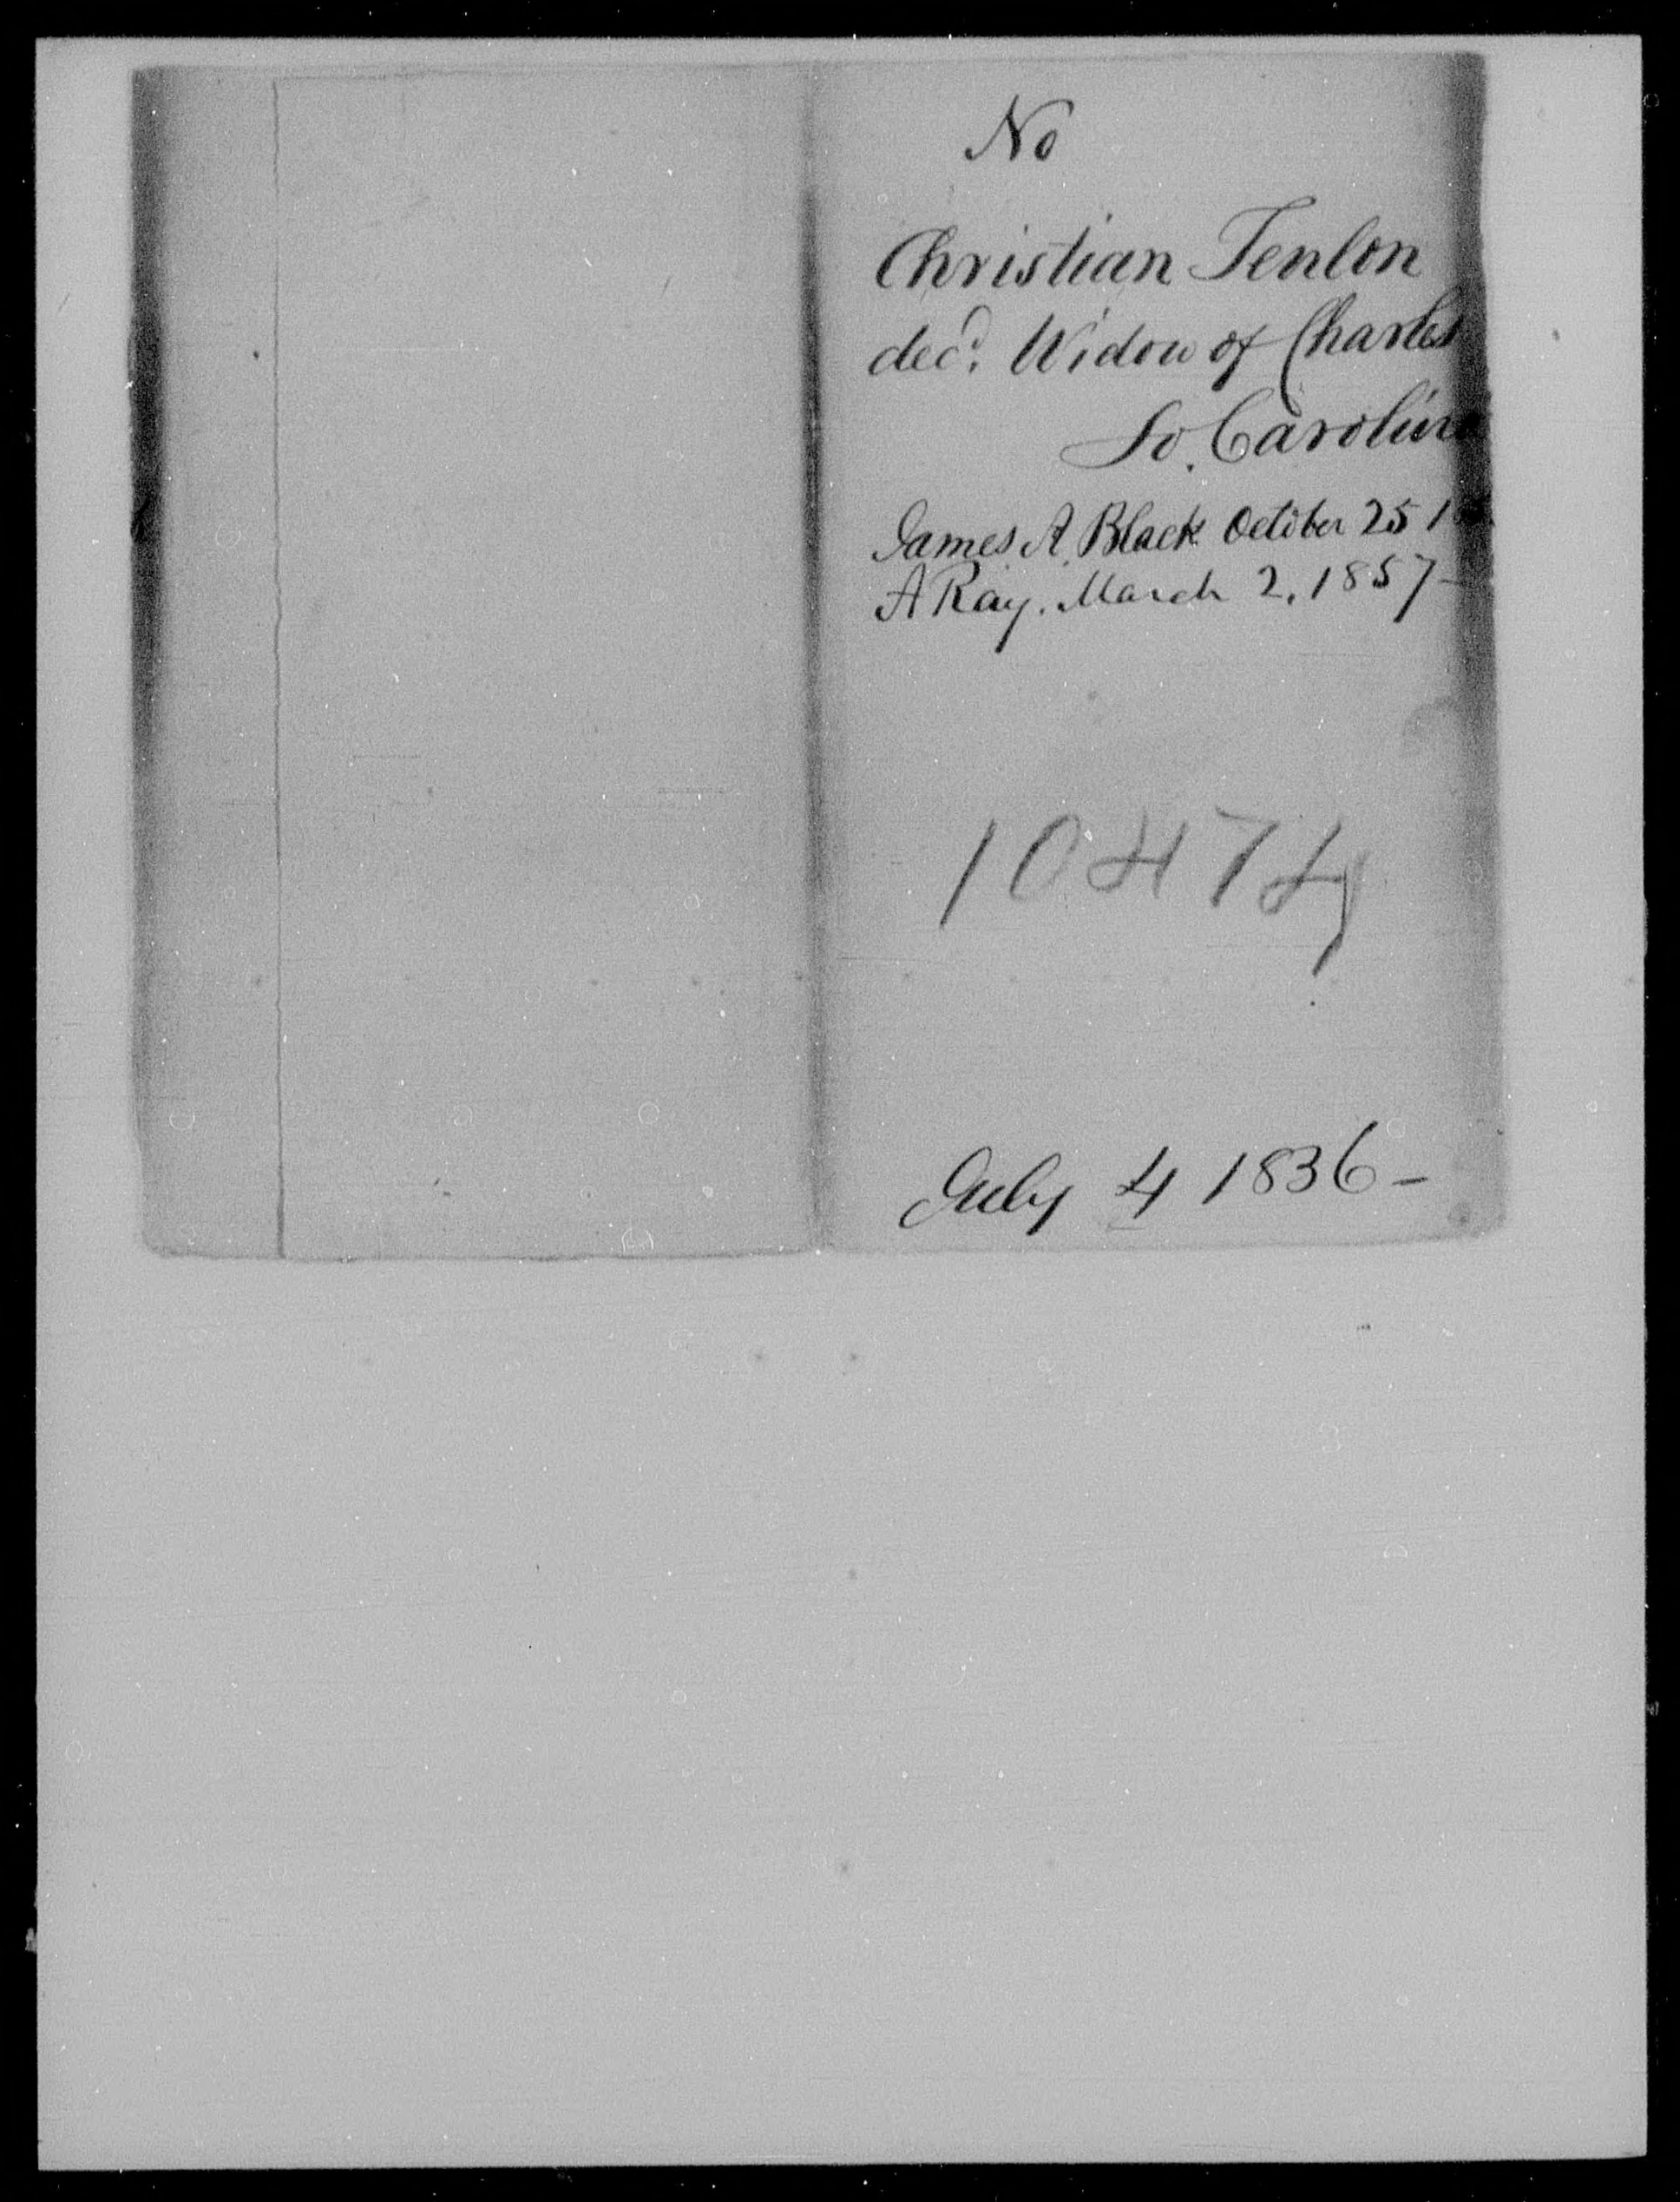No

Christian Tenlon
decd Widow of Charles
So. Carolina
James A Black October 25 18[illegible]
A Ray March 2, 1857
10474
July 4 1836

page: 8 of 19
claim: rejected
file: R. 10474, for Charles Teulon, South Carolina